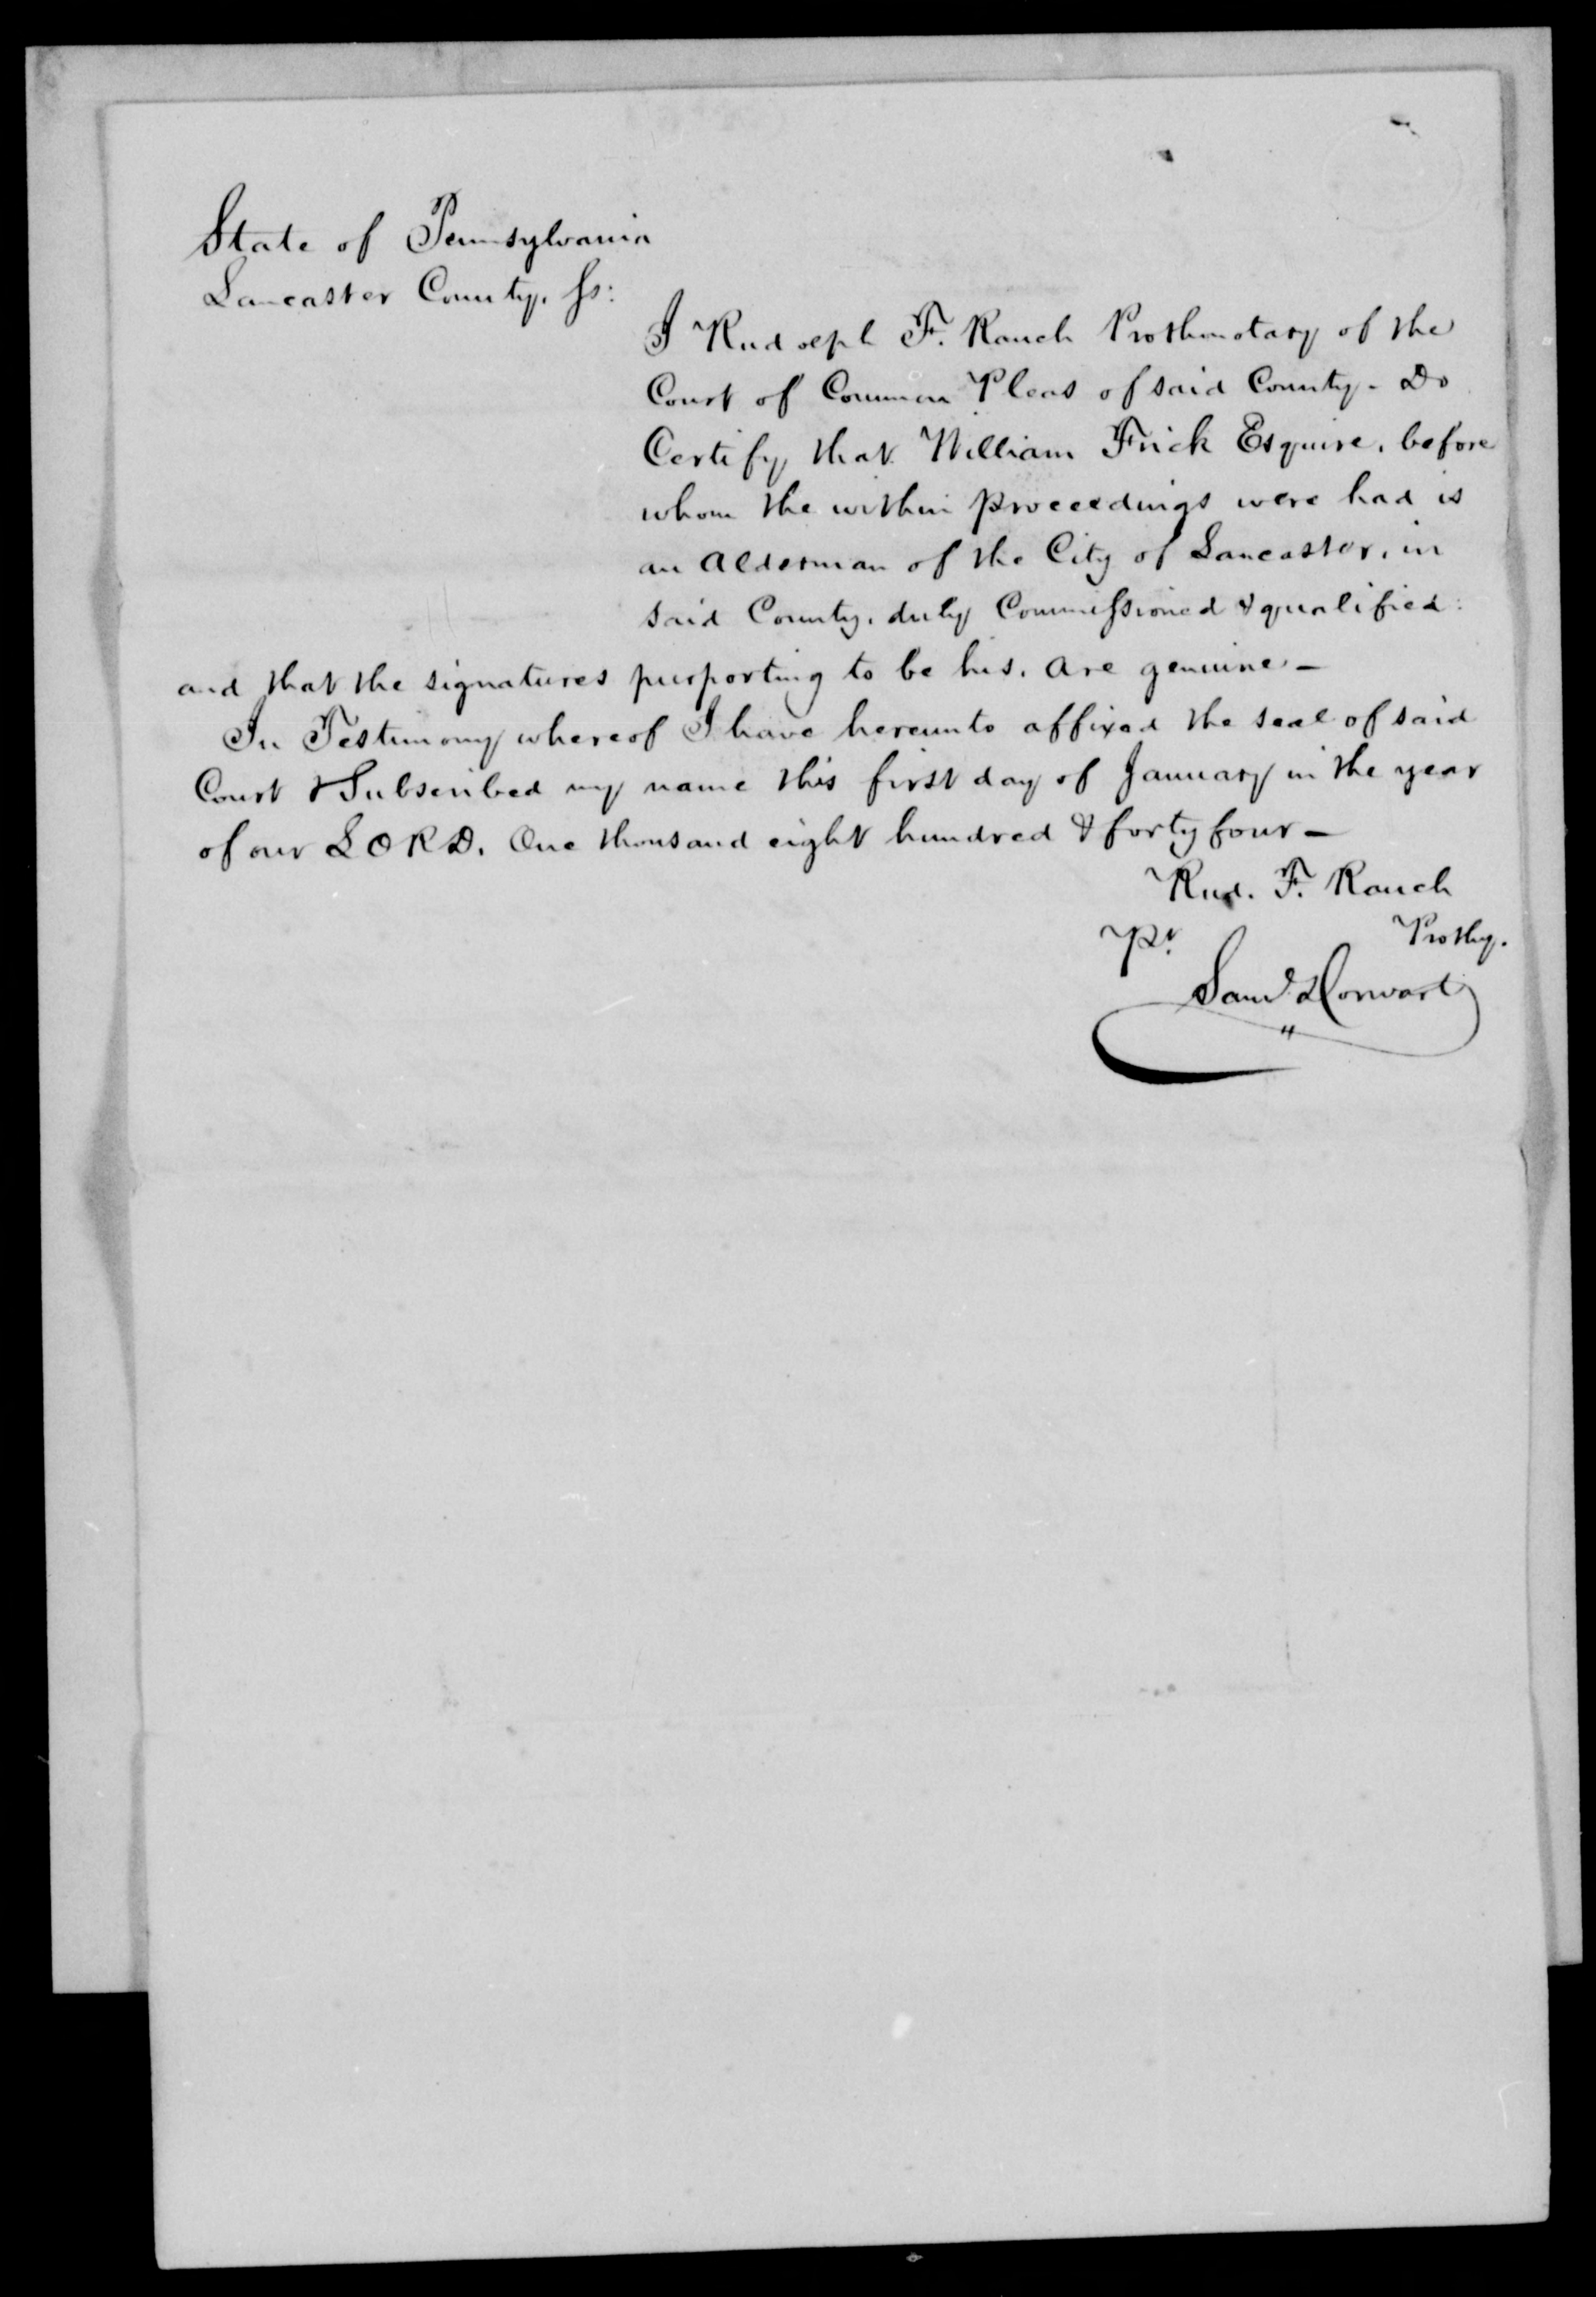State of Pennsylvania
Lancaster County, ss:
I Rudolph F. Rauch Prothonotary of the Court of Common Pleas of said County. Do Certify that William Frick Esquire, before whom the within proceedings were had is an Alderman of the City of Lancaster in said County, duly commissioned & qualified and that the signatures purporting to be his are genuine-
In Testimony whereof I have hereunto affixed the seal of said Court & Subscribed my name this first day of January in the year of our LORD. One thousand eight hundred & forty four -
Rud. F. Ranch
Pr. Prothy.
Saml. Dorwart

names: Saml Dorwart, William Frick, Rudolph F Rauch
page: 59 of 68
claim: survivor's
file: S. 6,358, George Wentling, Penn.